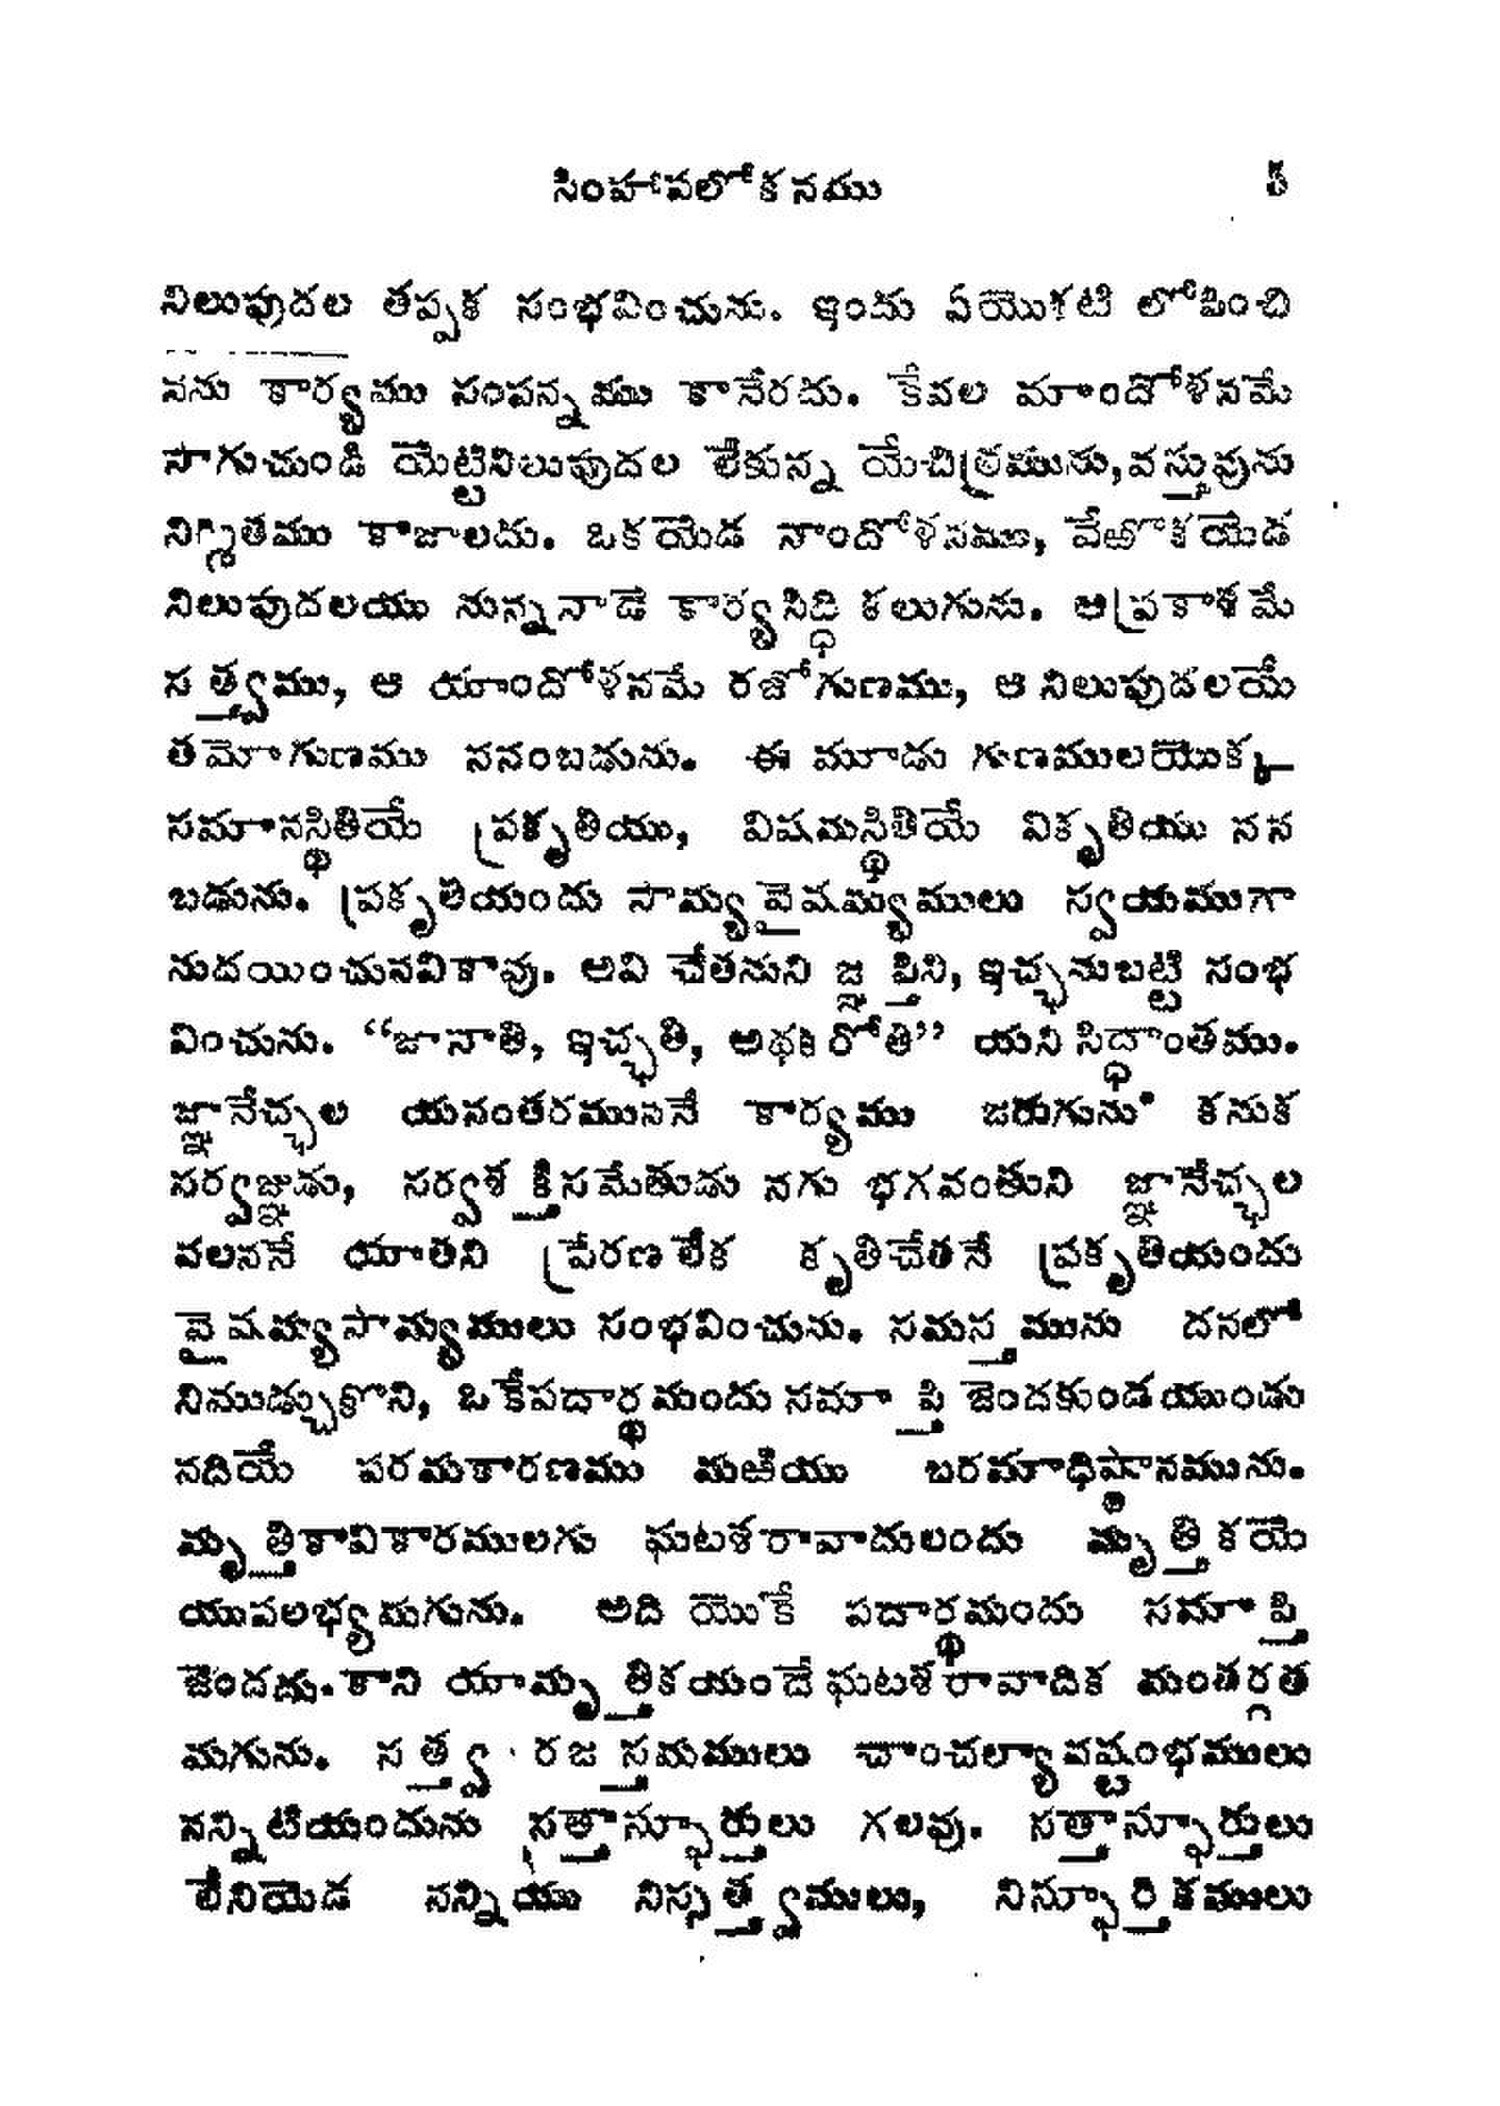నిలుపుదల తప్పక సంభవించును. ఇందు ఏయొకటి లోపించి
నను కార్యము సంపన్నము కానేరదు. కేవల మాందోళనమే
సాగుచుండి యెట్టినిలుపుదల లేకున్న యేచిత్రమును, వస్తువును
నిర్మితము కాజాలదు. ఒక యెడ నాందోళనము, వేఱొకయెడ
నిలుపుదలయు నున్ననాడే కార్యసిద్ధి కలుగును, ఆప్రకాశమే
సత్త్వము, ఆ యాందోళనమే రజోగుణము, ఆ నిలుపుదలయే
తమోగుణము ననంబడును. ఈ మూడు గుణముల యొక్క
సమానస్థితియే ప్రకృతియు, విషమస్థితియే వికృతియు నన
బడును,' ప్రకృతియందు సామ్య వైషమ్యములు స్వయముగా
నుదయించునవి కావు. అవి చేతనుని జ్ఞప్తిని, ఇచ్ఛను బట్టి సంభ
వించును. “జానాతి, ఇచ్చతి, అథకరోతి" యని సిద్ధాంతము.
జ్ఞానేచ్ఛల యనంతరముననే కార్యము జరుగును కనుక
సర్వజ్ఞుడు, సర్వశ క్తిసమేతుడు నగు భగవంతుని జ్ఞానేచ్ఛల
వలననే యాతని ప్రేరణ లేక కృతిచేతనే ప్రకృతియందు
వైషమ్యసామ్యములు సంభవించును. సమస్తమును దనలో 
నిముడ్చుకొని, ఒకేపదార్థమందు సమాప్తి జెందకుండయుండు
నదియే పరమకారణము మఱియు బరమాధిష్ఠానమును.
మృత్తికావికారములగు ఘటశరావాదులందు మృత్తికయే
యుపలభ్యమగును. అది యొకే పదార్థమందు సమాప్తి
జెందదు. కాని యామృత్తికయందే ఘటశరావాదిక మంతర్గత
మగును, సత్త్వరజస్తమములు చాంచల్యావష్టంభములు
నన్నిటియందును సత్తాస్ఫూర్తులు గలవు. సత్తాస్ఫూర్తులు
లేనియెడ నన్నియు నిస్సత్త్వములు, నిస్ఫూర్తికములు